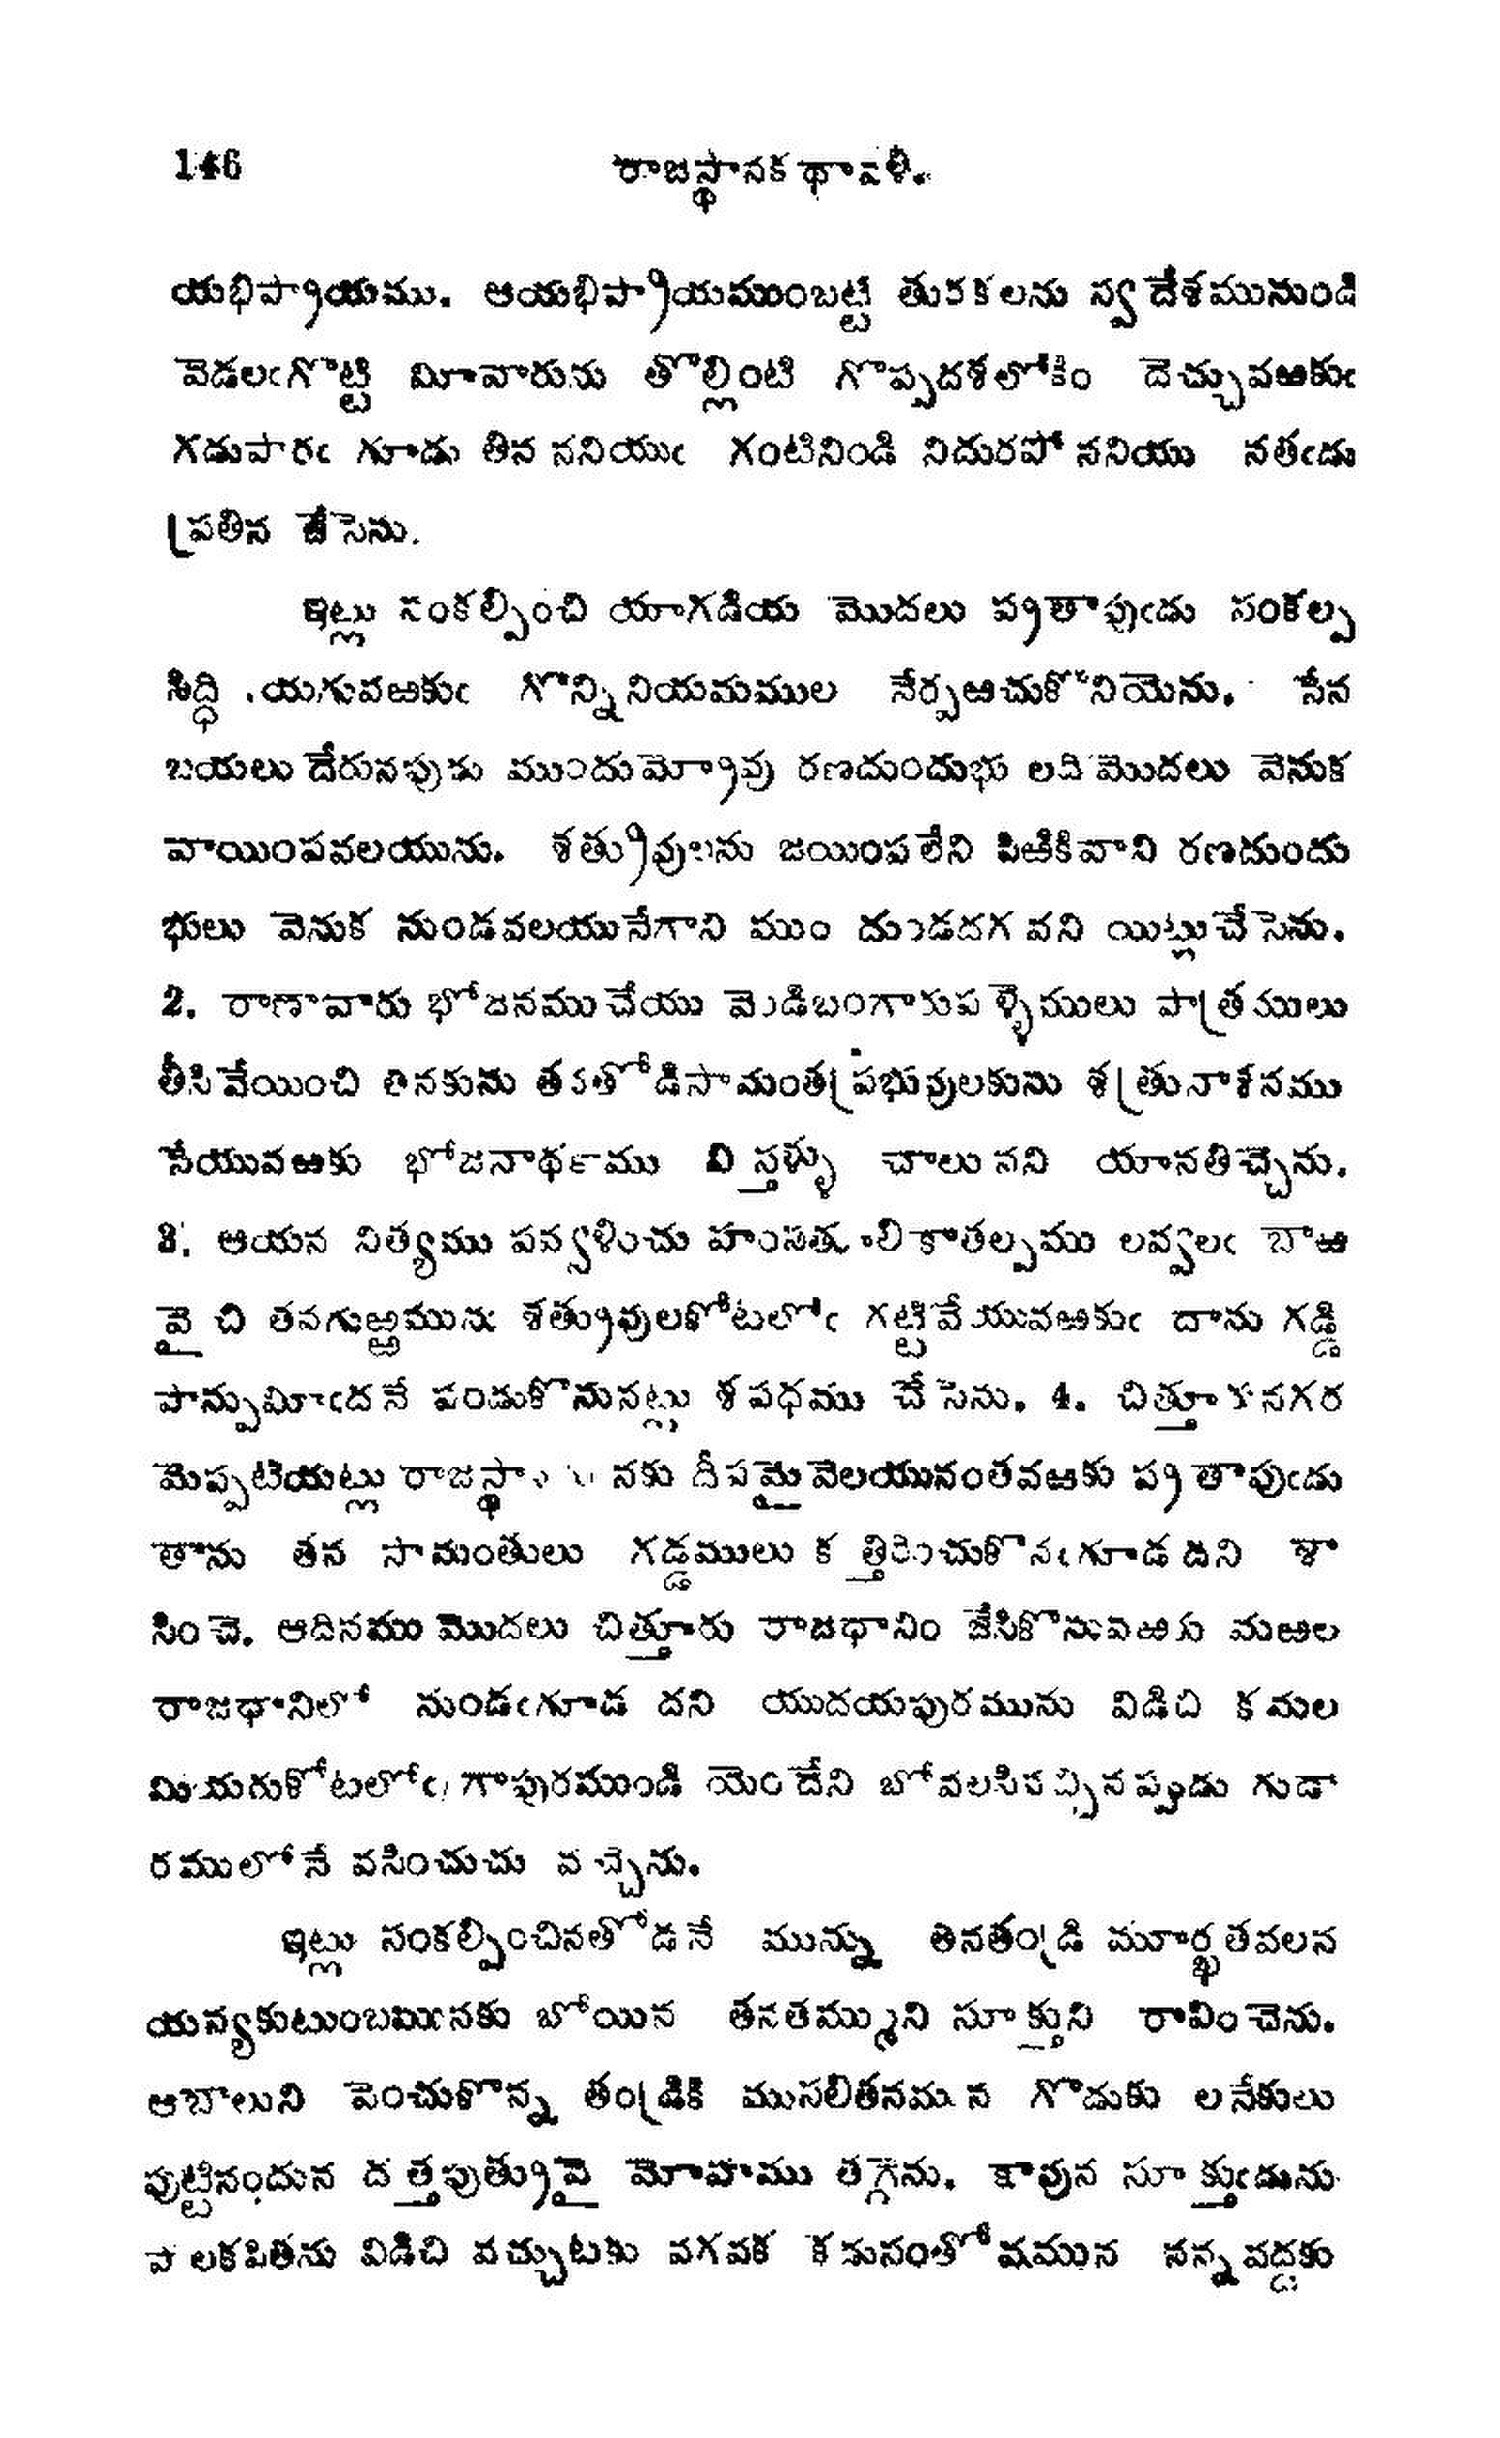యభిప్రాయము. ఆయభిప్రాయముంబట్టి తురకలను స్వదేశమునుండి వెడలఁగొట్టి మీవారును తొల్లింటి గొప్పదశలోకిం దెచ్చువఱకుఁ
గడుపారఁ గూడు తిన ననియుఁ గంటినిండి నిదురపోననియు నతఁడు ప్రతిన జేసెను.

ఇట్లు సంకల్పించి యాగడియ మొదలు ప్రతాపుడు సంకల్ప సిద్ధి యగువఱకు కొన్ని నియమముల నేర్పఱచుకొనియెను. సేన
బయలుదేరునపుడు ముందుమోవు రణదుందుభు లది మొదలు వెనుక వాయింపవలయును. శత్రువులను జయింప లేని పిఱికి వాని రణదుందుభులు వెనుక నుండవలయునేగాని ముం దుండదగ వని యిట్లు చేసెను.2. రాణావారు భోజనము చేయు వెండిబంగారు పళ్ళెములు పాత్రములు తీసి వేయించి తనకును తనతోడిసామంత ప్రభువులకును శత్రునాశనము సేయువఱకు భోజనాథ౯ము విస్తళ్ళు చాలు నని యానతిచ్చెను.3. ఆయన నిత్యము పవ్వళించు హంసతూలికాతల్పము లవ్వలఁ బాఱవైచి తనగుఱ్ఱమును శత్రువులకోటలోఁ గట్టివేయువఱకుఁ దాను గడ్డి పాన్పుమీఁద నే పండుకొనునట్లు శపధము చేసెను. 4. చిత్తూరు నగర మెప్పటియట్లు రాజస్థానము నకు దీపమై వెలయునంతవఱకు ప్రతాపుఁడు తాను తన సామంతులు గడ్డములు కత్తిరించుకొనఁ గూడదని శాసించె. ఆదినము మొదలు చిత్తూరు రాజధానిం జేసికొను వఱకు మఱల రాజధానిలో నుండఁగూడ దని యుదయపురమును విడిచి కమలమియరుకోటలోఁ గాపురముండి యెందేని బోవలసివచ్చినప్పుడు గుడారములోనే వసించుచు వచ్చెను.

ఇట్లు సంకల్పించినతోడనే మున్ను తనతండ్రి మూర్ఖత వలన యన్యకుటుంబఘనకు బోయిన తసతమ్ముని సూక్తుని రావించెను.
ఆబాలుని పెంచుకొన్న తండ్రికి ముసలితనమున గొడుకు లనేకులు పుట్టినందున దత్తపుత్రుపై మోహము తగ్గెను. కావున సూక్తుఁడును
పాలక పితను విడిచి వచ్చుటకు వగవక కడుసంతోషమున నన్న వద్దకు